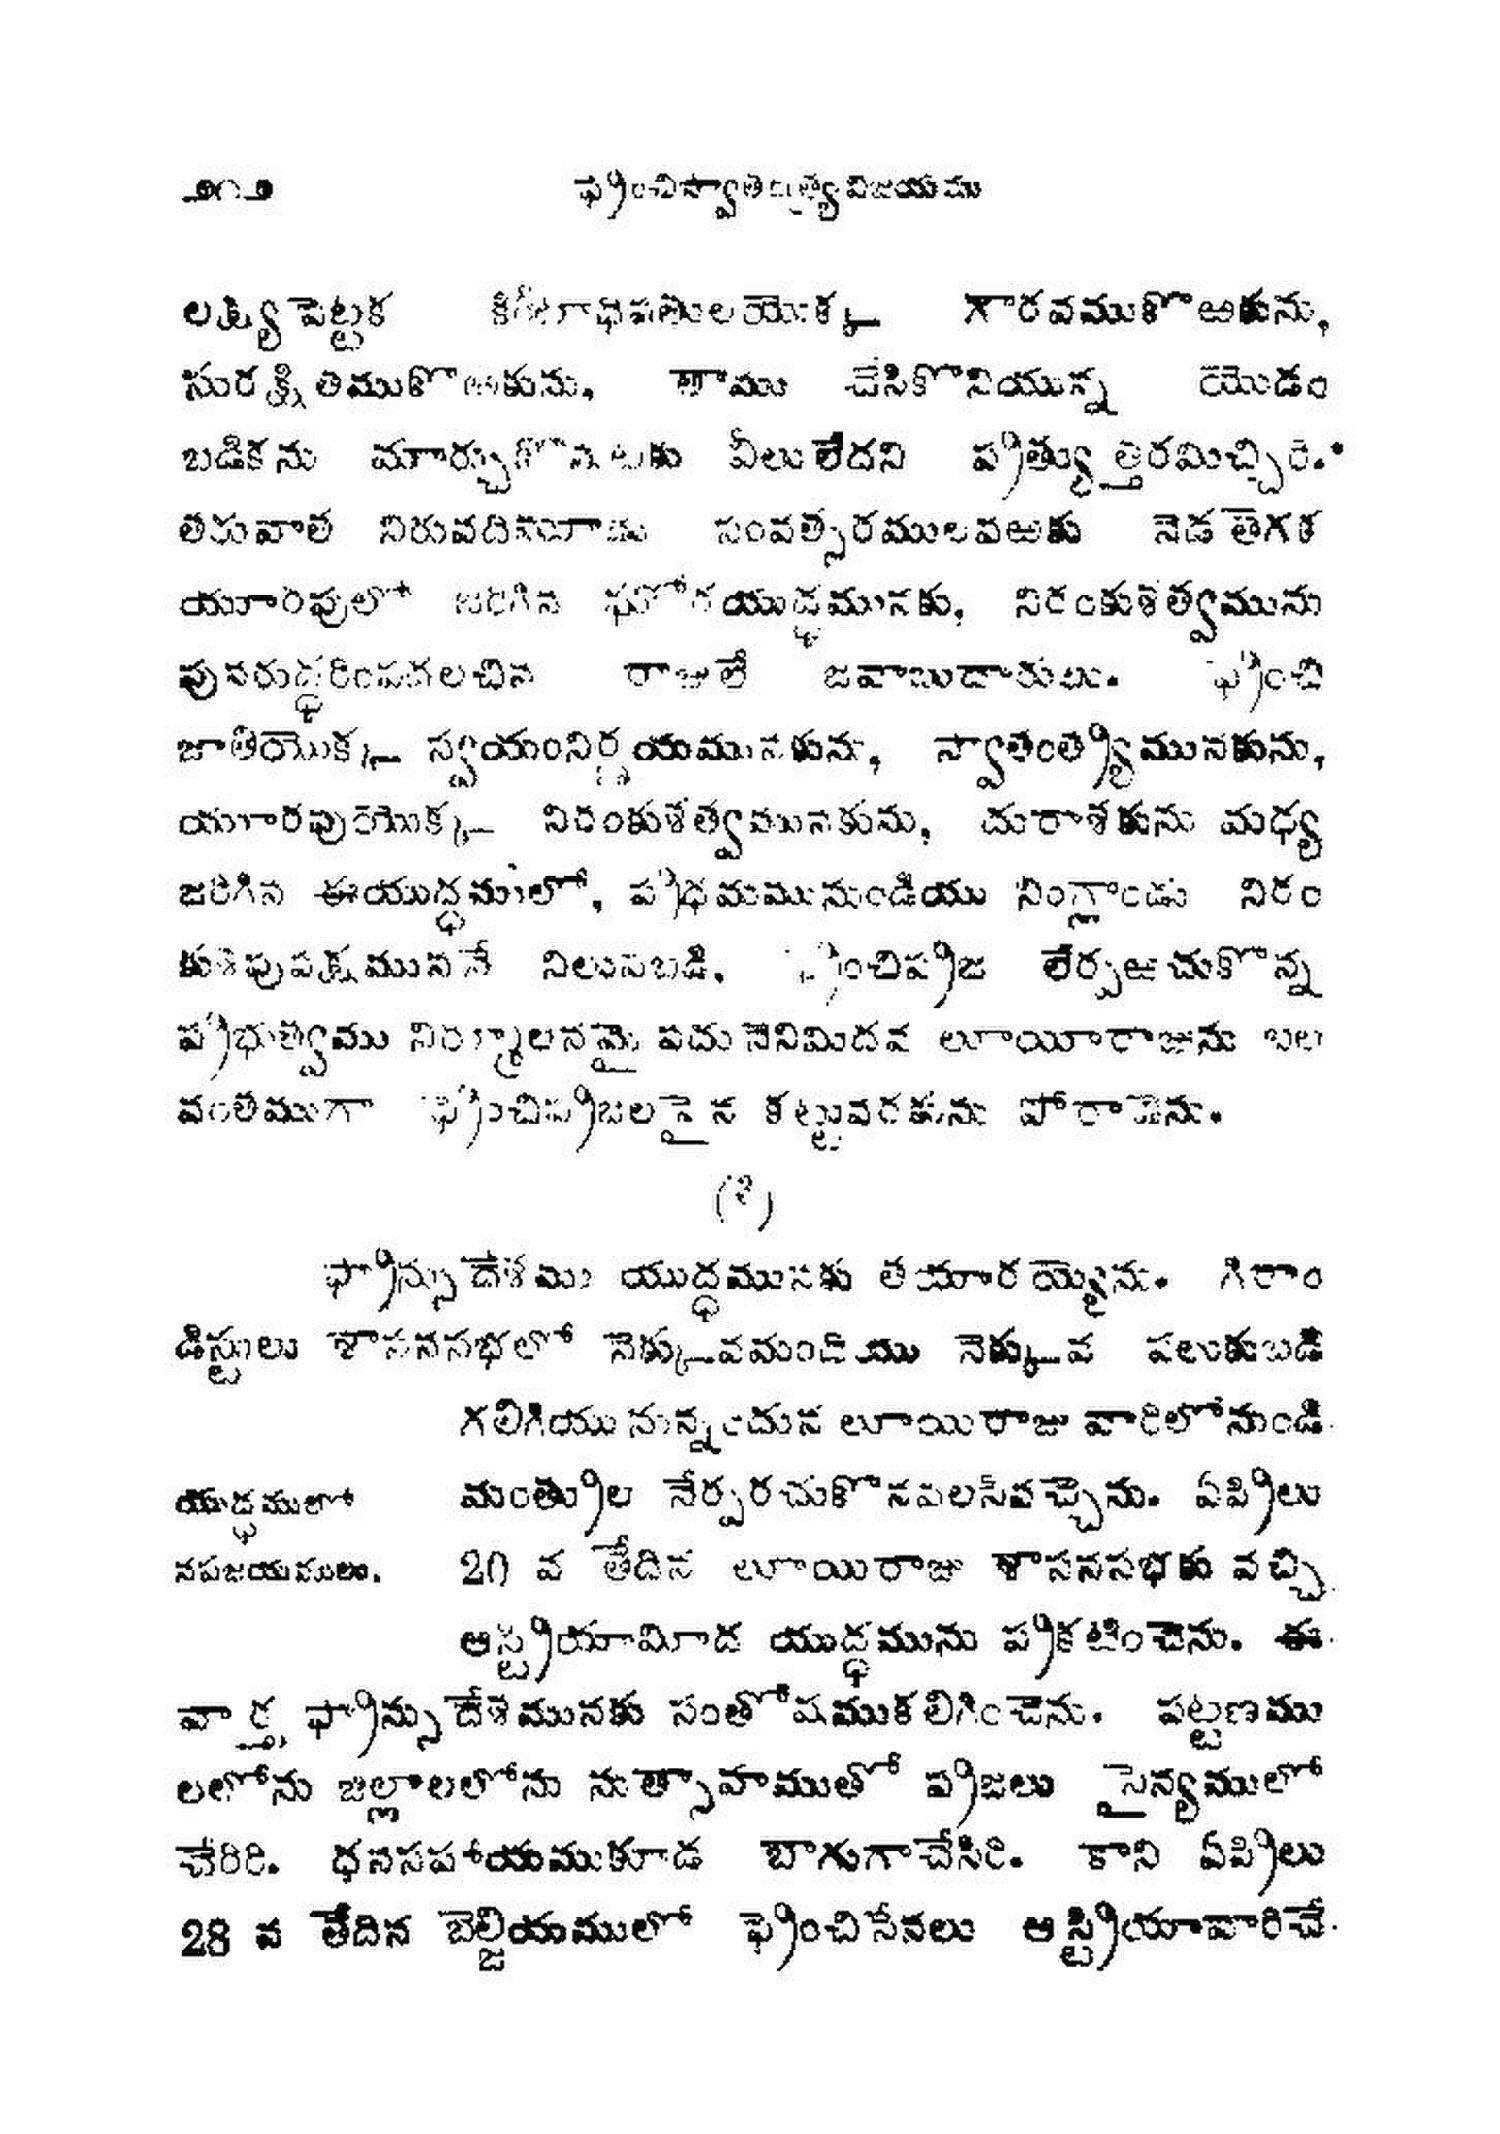చేసికొనియున్ననెడ తెగ లక్ష్యపెట్టక కిరీటాధి
పతుల యెక్క గౌరవముకొఱకును, సురక్షితముకొరకును,
యొడంబడికను మార్చుకొనుటకు వీలు లేదని ప్రత్యుత్తరమిచ్చిరి.
తరువాత నిరువదిమూడు సంవత్సరములవరకును
యూరపులో జరిగినన ఘోర యుద్ధమునకు, నిరంకుశత్వమును
పునరుద్ద రింప దలచిన రాజులే జవాబుదారులు, ఫ్రెంచి
జాతియొక్క స్వయం నిర్ణయమునకును, స్వాతంత్యమునకును,
యూరపు యొక్క నిరంకుశత్వమునకును, దురాశకును. మధ్య
జరిగిన ఈ యుద్ధములో, ప్రధమము నుండియు సంగ్లాండు నిరం
కుశపుపక్షముననే నిలవబడి ఫ్రెంచి ప్రజ లేర్పరచుకొన్న
ప్రభుత్వము నిర్మూలనమై , పదు నెనిమిదవ లూయీ రాజును బల
వంతముగా ఫ్రెంచి ప్రజల పైన కట్టువరకను పోరాడెను.

యుద్ధములో
సపజయములు,

ఫ్రాన్సు దేశము యుద్ధమునకు తయారయ్యెను. గిరాం
డిస్టులు శాసనసభలో ఎక్కువమంది యు నెక్కువ పలుకుబడి
గలిగియు నున్నందున లూయిరాజు వారిలోనుండి
మంత్రుల నేర్పరచుకొనవలసి వచ్చెను. ఏప్రిలు
20 వ తేదిన లూయి రాజు శాసనసభకు వచ్చి
ఆస్ట్రియా మిద యుద్ధమును ప్రకటించెను. ఈ
వార్త, ఫొస్సు దేశమునకు సంతోషము కలిగించెను. పట్టణము
లలోను జల్లాలలోను సుత్సాహముతో ప్రజలు సైన్యములో
చేరిరి. ధనసహాయముకూడ బాగుగా చేసిరి. కాని ఏప్రిలు
28 వ తేదిన బెల్జియములో ఫ్రెంచి సేనలు ఆస్ట్రియా వారిచే.